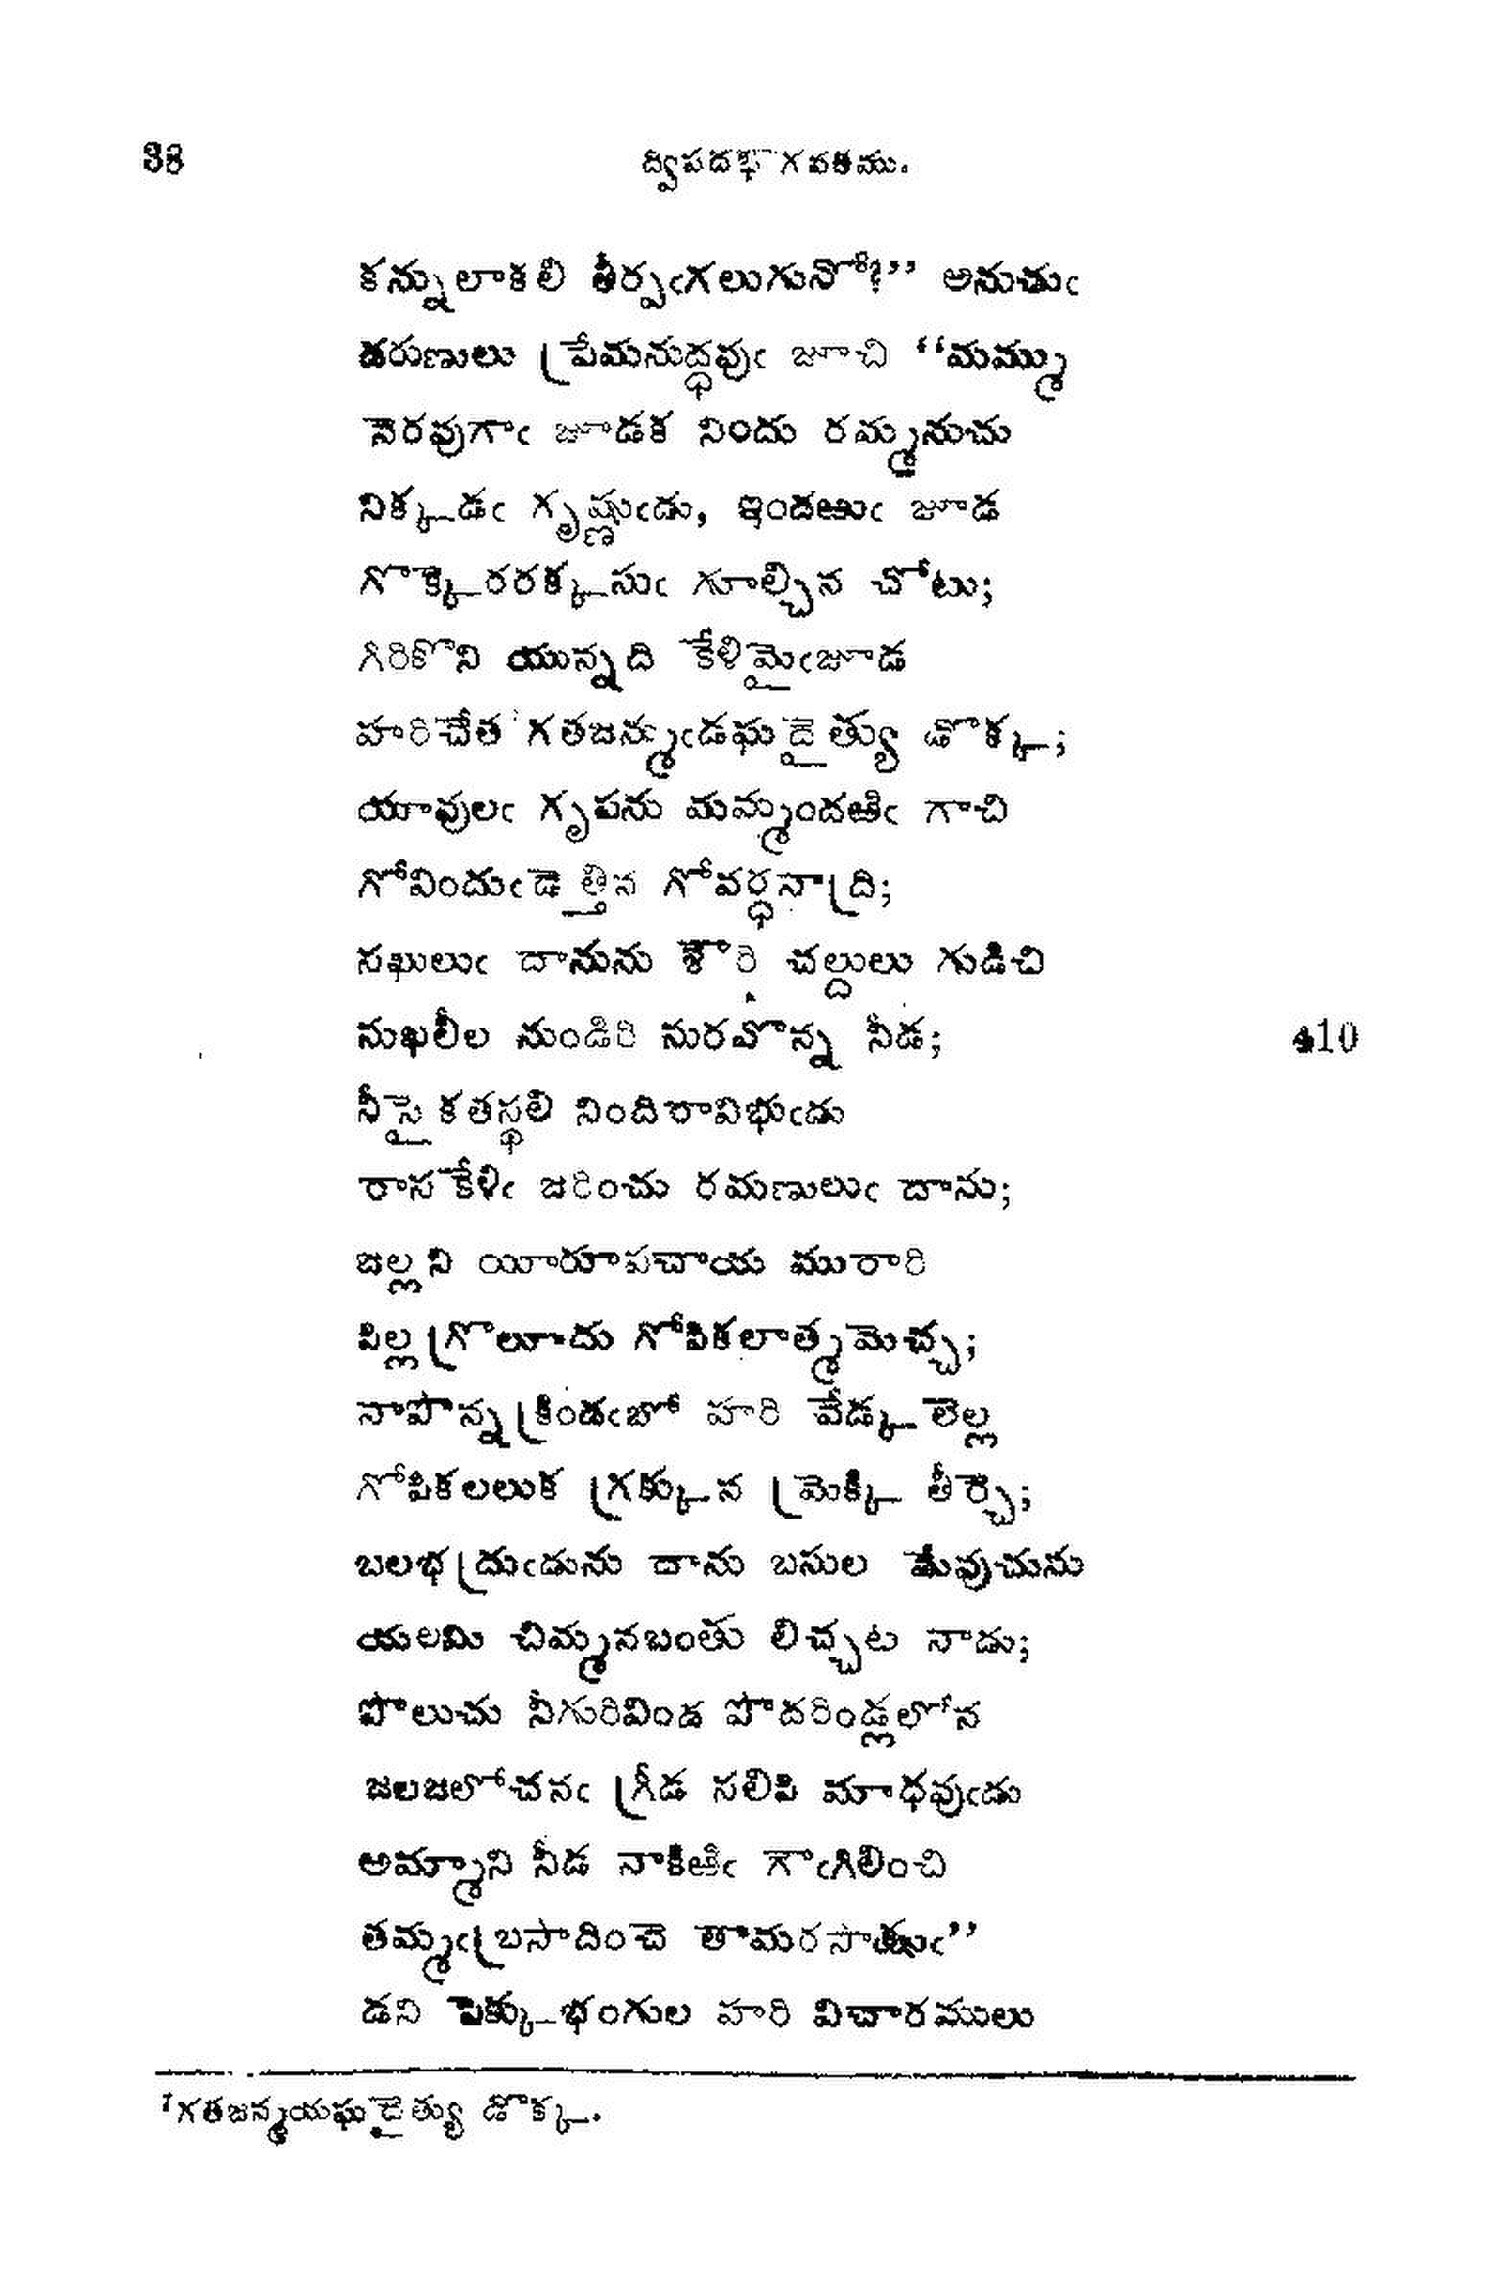కన్ను లాకలి తీర్పగలుగునో?" అనుచుఁ
దరుణులు ప్రేమ నుద్ధవుఁ జూచి “మమ్ము
నెరవుగాఁ జూడ నిందు రమ్మనుచు
నిక్కడఁ గృష్ణుఁడు, ఇందఱుఁ జూడ
గొక్కెరరక్కసుఁ గూల్చిన చోటు;
గిరికొని యున్నది కేళిమైఁజూడ
హరిచేత గతజన్ముఁ డఘదైత్యు డొక్క;
యావులఁ గృపను మమ్ముందఱిఁ గాచి
గోవిందుఁ డెత్తిన గోవర్ధనాద్రి;
సఖులుఁ దానును శౌరి చల్దులు గుడిచి
సుఖలీల నుండిరి సురవొన్న నీడ;
నీసైకతస్థలి నిందిరావిభుఁడు
రాసకేళిఁ జరించు రమణులుఁ దాను;
జల్లని యీరూపచాయ మురారి
పిల్లగ్రో లూదు గోపిక లాత్మ మెచ్చ;
నాపొన్న క్రిందఁబో హరి వేడ్క లెల్ల
గోపిక లలుక గ్రక్కున మెక్కి తీర్చె;
బలభద్రుఁడును దాను బసుల మేవుచును
యలమి చిమ్మనబంతు లిచ్చట నాడు;
పొలుచు నీగురివింద పొదరిండ్లలోన
జలజలోచనఁ గ్రీడ సలిపి మాధవుఁడు
అమ్మానినీడ నాకిఱిఁ గౌఁగిలించి
తమ్మఁ బ్రసాదించె తామరసాక్షుఁ”
డని పెక్కుభంగుల హరివిచారములు